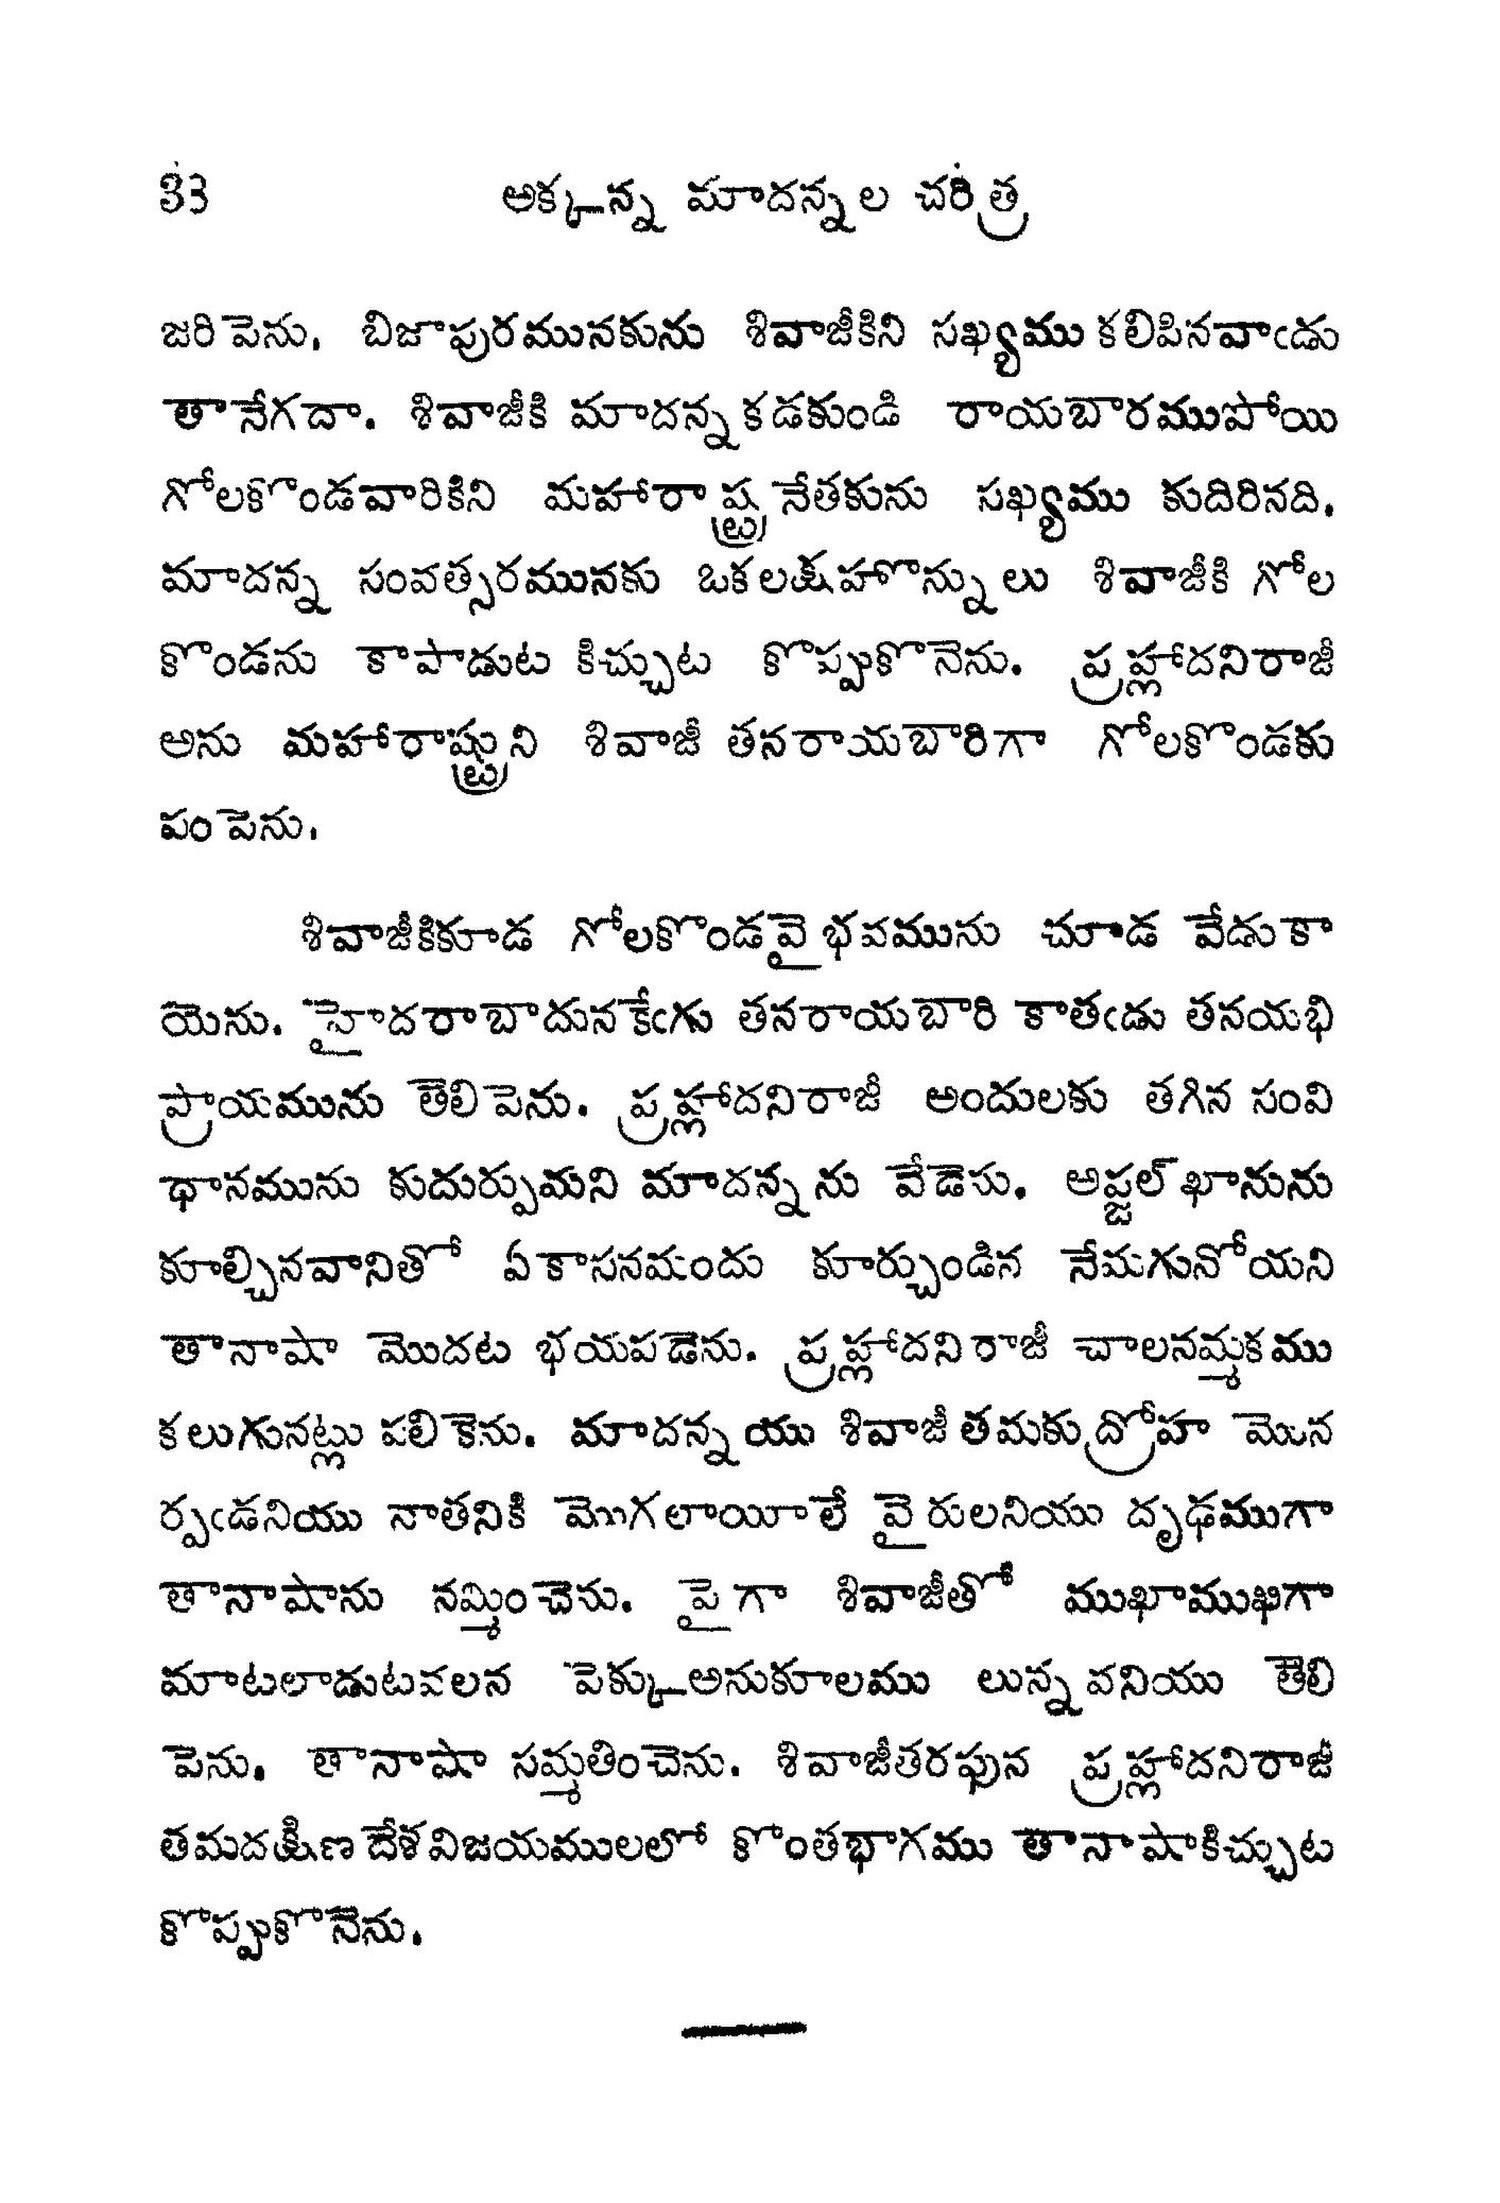జరిపెను. బిజాపురమునకును శివాజీకిని సఖ్యము కలిపినవాఁడు తానేగదా. శివాజీకి మాదన్నకడకుండి రాయబారముపోయి గోలకొండవారికిని మహారాష్ట్రనేతకును సఖ్యము కుదిరినది. మాదన్న సంవత్సరమునకు ఒకలక్షహొన్నులు శివాజీకి గోలకొండను కాపాడుట కిచ్చుట కొప్పుకొనెను. ప్రహ్లాదనిరాజీ అను మహారాష్ట్రుని శివాజీ తనరాయబారిగా గోలకొండకు పంపెను.

శివాజీకికూడ గోలకొండవైభవమును చూడ వేడుకాయెను. హైదరాబాదునకేఁగు తనరాయబారి కాతఁడు తనయభిప్రాయమును తెలిపెను. ప్రహ్లాదనిరాజీ అందులకు తగిన సంవిధానమును కుదుర్పుమని మాదన్నను వేడెను. అప్జల్‌ఖానును కూల్చినవానితో ఏకాసనమందు కూర్చుండిన నేమగునోయని తానాషా మొదట భయపడెను. ప్రహ్లాదనిరాజీ చాలనమ్మకము కలుగునట్లు పలికెను. మాదన్నయు శివాజీ తమకుద్రోహ మొునర్పఁడనియు నాతనికి మొగలాయీలే వైరులనియు దృఢముగా తానాషాను నమ్మించెను. పైగా శివాజీతో ముఖాముఖిగా మాటలాడుటవలన పెక్కుఅనుకూలము లున్నవనియు తెలిపెను. తానాషా సమ్మతించెను. శివాజీతరఫున ప్రహ్లాదనిరాజీ తమదక్షిణదేశవిజయములలో కొంతభాగము తానాషాకిచ్చుట కొప్పుకొనెను.